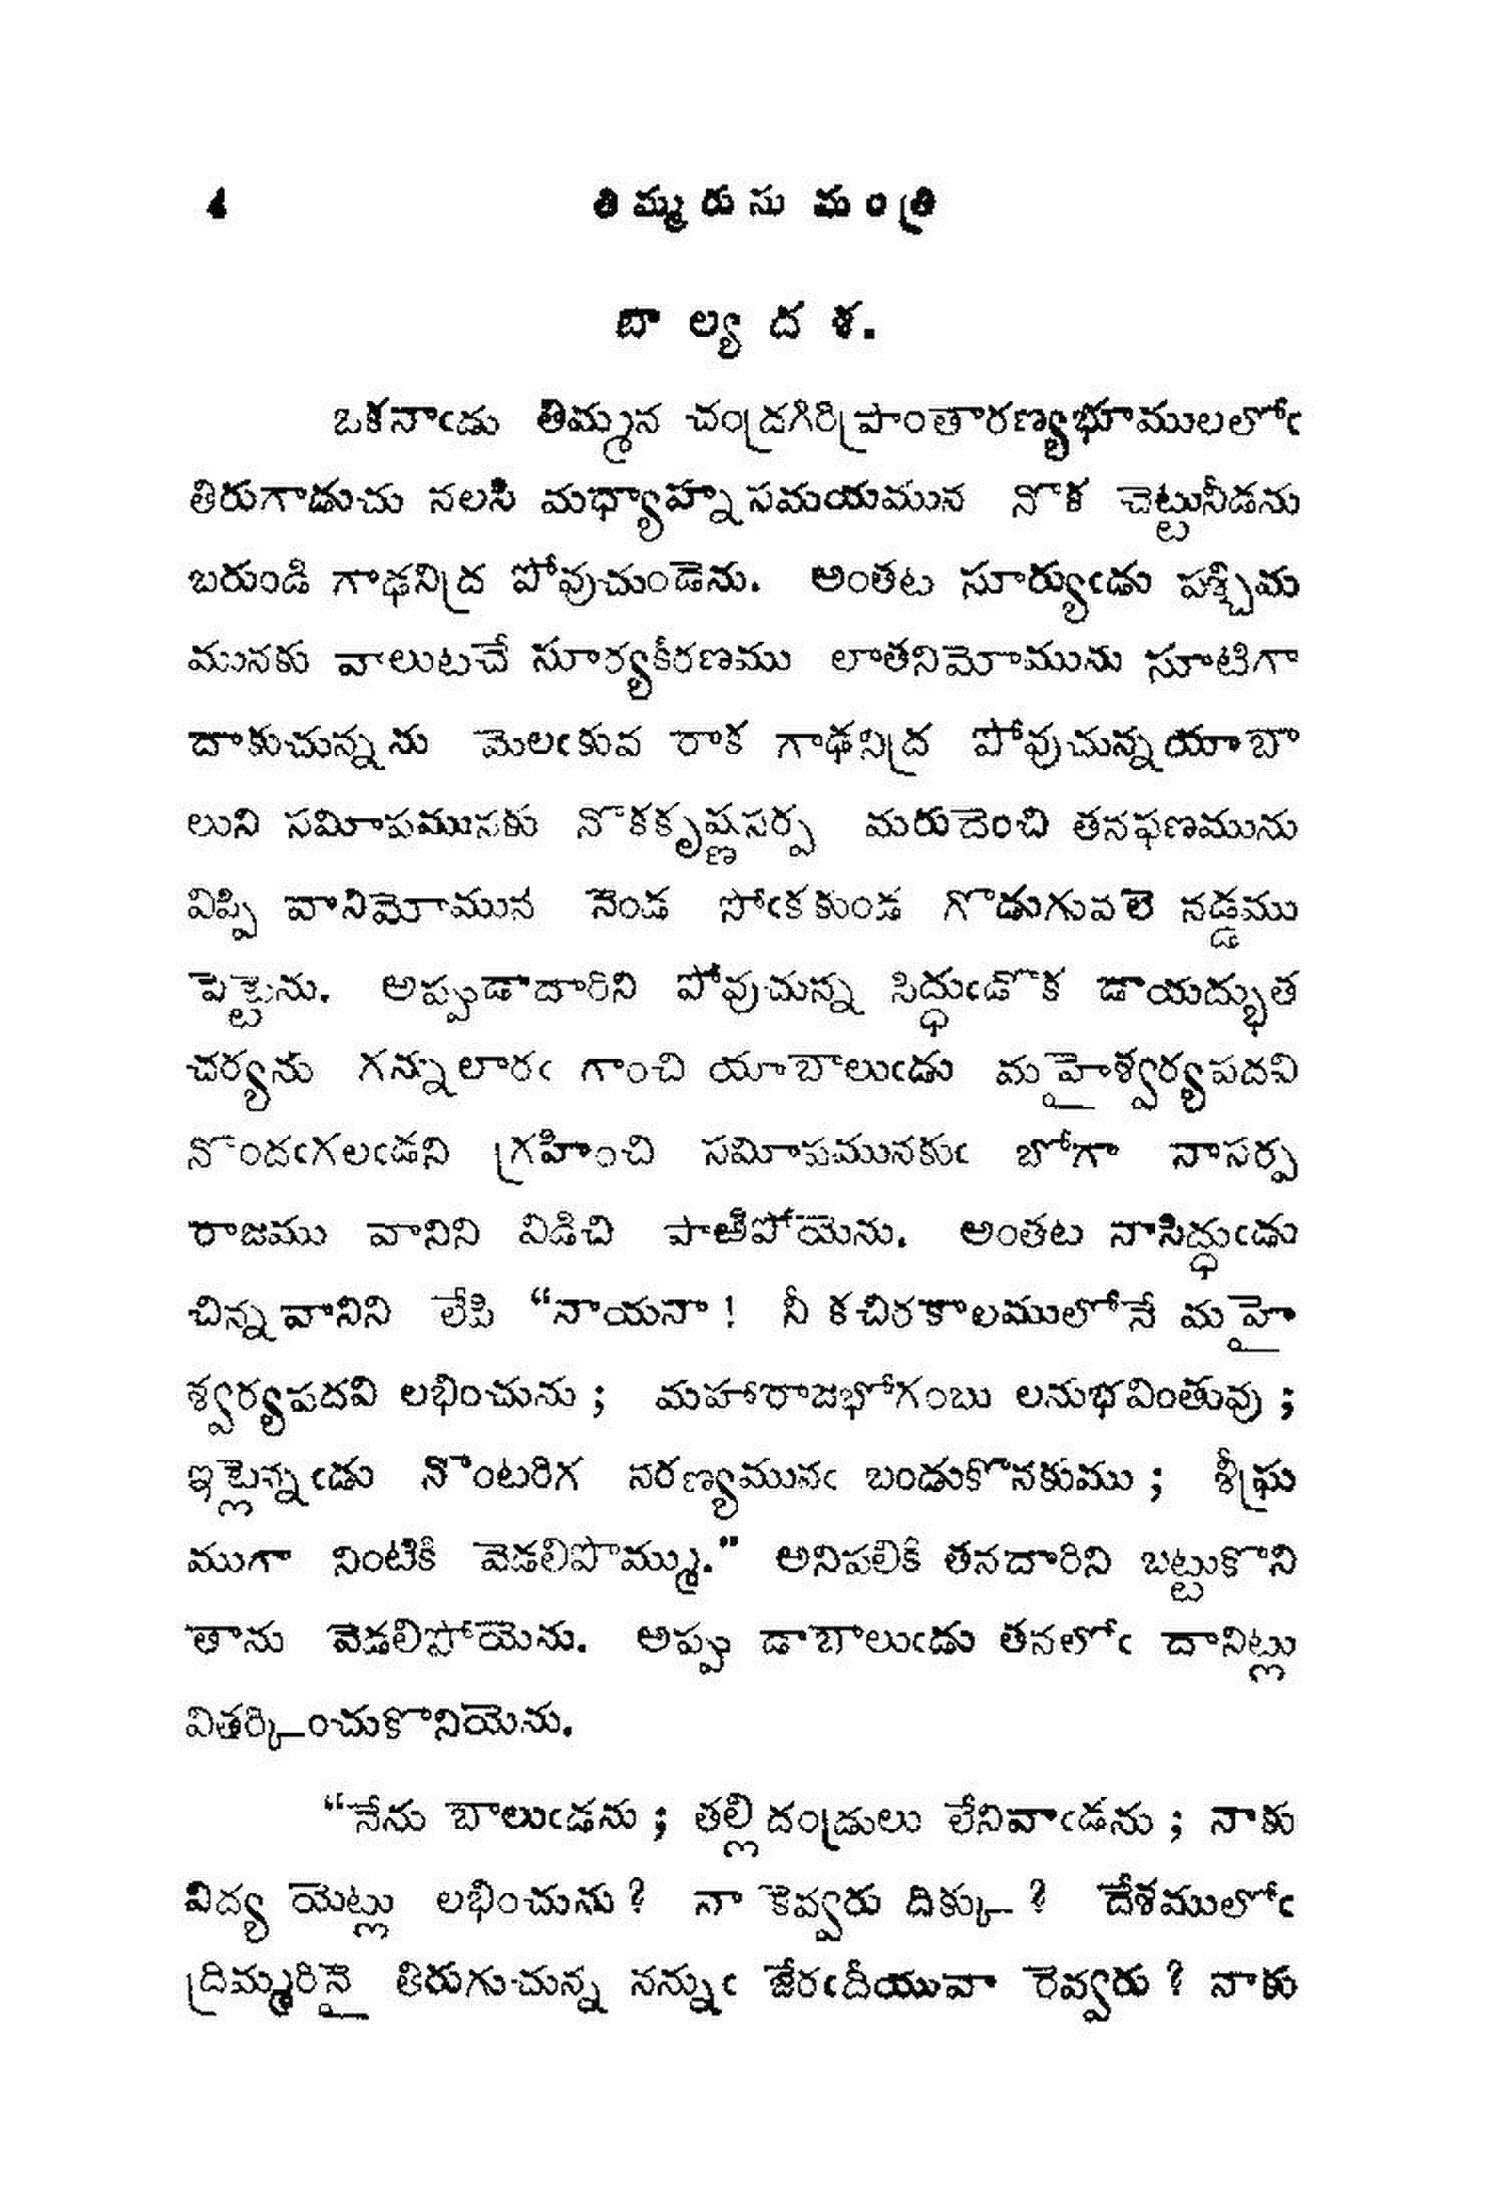బాల్యదశ. 

ఒకనాఁడు తిమ్మన చంద్రగిరిప్రాంతారణ్యభూములలోఁ తిరుగాడుచు నలసి మధ్యాహ్నసమయమున నొక చెట్టునీడను బరుండి గాఢనిద్ర పోవుచుండెను. అంతట సూర్యుఁడు పశ్చిమమునకు వాలుటచే సూర్యకిరణము లాతనిమోమును సూటిగా దాకుచున్నను మెలఁకువ రాక గాఢనిద్ర పోవుచున్నయాబాలుని సమీపమునకు నొకకృష్ణసర్ప మరుదెంచి తనఫణమును విప్పి వానిమోమున నెండ సోఁకకుండ గొడుగువలె నడ్డము పెట్టెను. అప్పుడాదారిని పోవుచున్న సిద్ధుఁడొక డాయద్భుత చర్యను గన్నులారఁ గాంచి యాబాలుఁడు మహైశ్వర్యపదవి నొందఁగలఁడని గ్రహించి సమీపమునకుఁ బోగా నాసర్ప రాజము వానిని విడిచి పాఱిపోయెను. అంతట నాసిద్ధుఁడు చిన్నవానిని లేపి “నాయనా ! నీ కచిరకాలములోనే మహైశ్వర్యపదవి లభించును; మహారాజభోగంబు లనుభవింతువు ; ఇట్లెన్నఁడు నొంటరిగ నరణ్యమునఁ బండుకొనకుము; శీఘ్రముగా నింటికి వెడలిపొమ్ము." అనిపలికి తనదారిని బట్టుకొని తాను వెడలిపోయెను. అప్పు డాబాలుఁడు తనలోఁ దానిట్లు వితర్కించుకొనియెను.

"నేను బాలుఁడను ; తల్లిదండ్రులు లేనివాఁడను; నాకు విద్య యెట్లు లభించును? నా కెవ్వరు దిక్కు? దేశములోఁ ద్రిమ్మరినై తిరుగుచున్న నన్నుఁ జేరఁదీయువా రెవ్వరు? నాకు